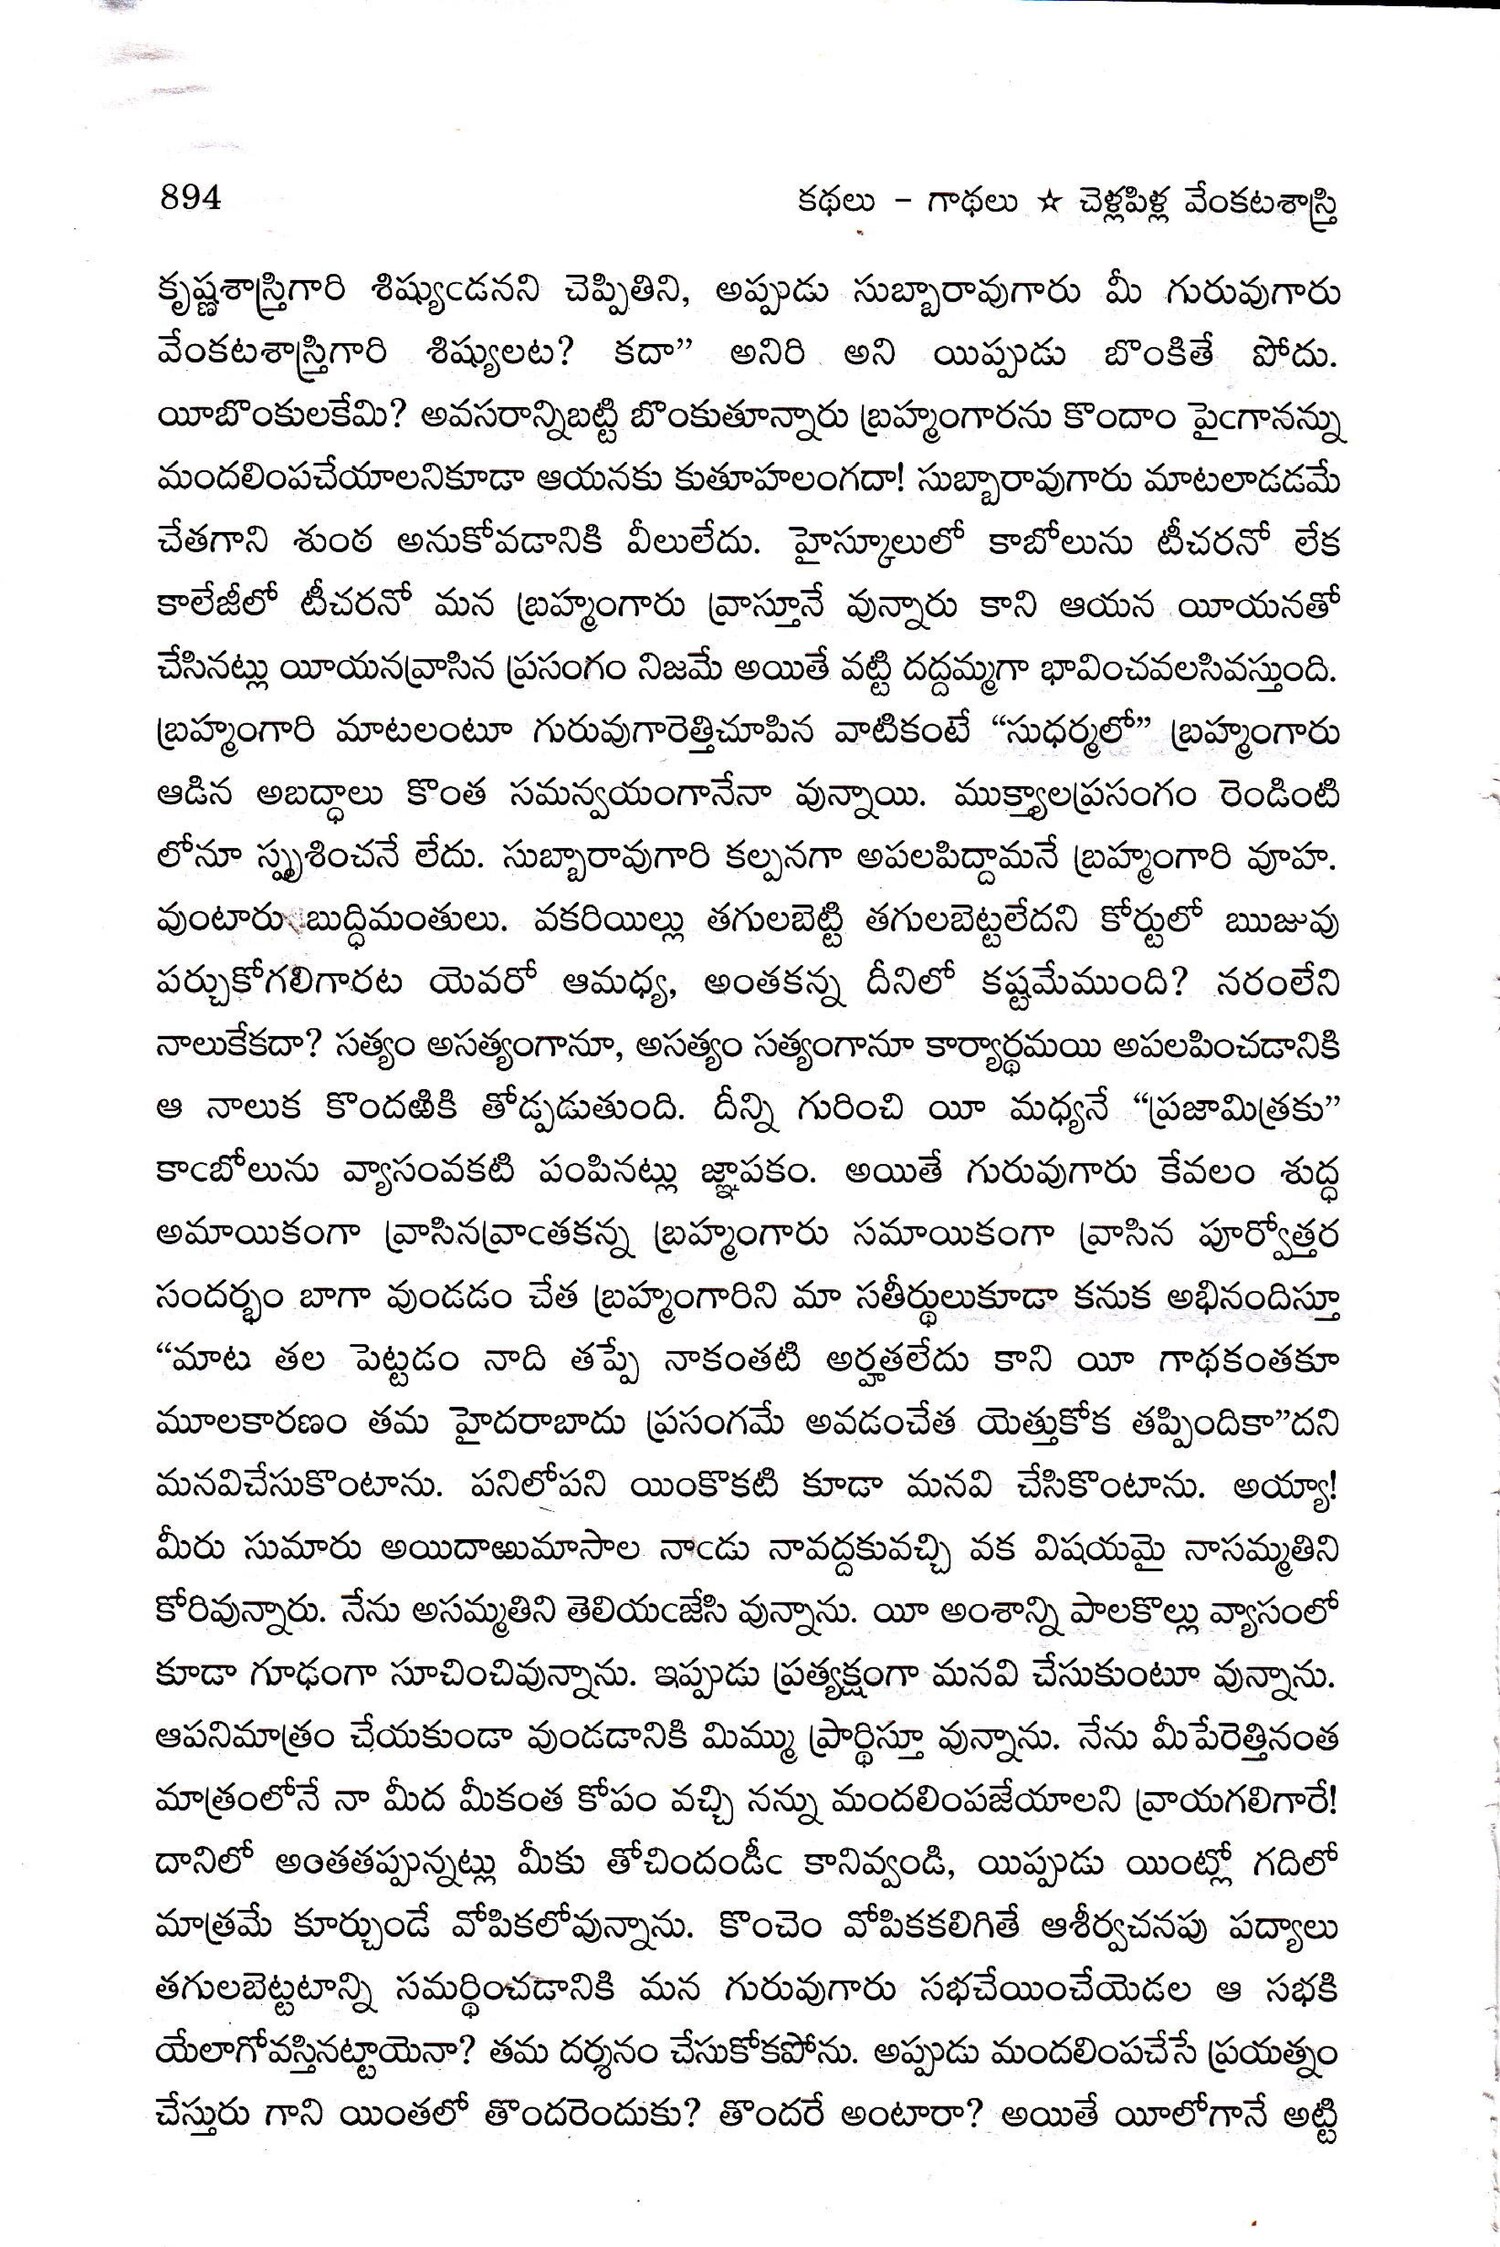కృష్ణశాస్త్రిగారి శిష్యుఁడనని చెప్పితిని, అప్పుడు సుబ్బారావుగారు మీ గురువుగారు వేంకటశాస్త్రిగారి శిష్యులట? కదా” అనిరి అని యిప్పుడు బొంకితే పోదు. యీబొంకులకేమి? అవసరాన్నిబట్టి బొంకుతూన్నారు బ్రహ్మంగారను కొందాం పైఁగానన్ను మందలింపచేయాలనికూడా ఆయనకు కుతూహలంగదా! సుబ్బారావుగారు మాటలాడడమే చేతగాని శుంఠ అనుకోవడానికి వీలులేదు. హైస్కూలులో కాబోలును టీచరనో లేక కాలేజీలో టీచరనో మన బ్రహ్మంగారు వ్రాస్తూనే వున్నారు కాని ఆయన యీయనతో చేసినట్లు యీయనవ్రాసిన ప్రసంగం నిజమే అయితే వట్టి దద్దమ్మగా భావించవలసివస్తుంది. బ్రహ్మంగారి మాటలంటూ గురువుగారెత్తిచూపిన వాటికంటే “సుధర్మలో" బ్రహ్మంగారు ఆడిన అబద్ధాలు కొంత సమన్వయంగానేనా వున్నాయి. ముక్త్యాలప్రసంగం రెండింటిలోనూ సృశించనే లేదు. సుబ్బారావుగారి కల్పనగా అపలపిద్దామనే బ్రహ్మంగారి వూహ. వుంటారు బుద్ధిమంతులు. వకరియిల్లు తగులబెట్టి తగులబెట్టలేదని కోర్టులో ఋజువు పర్చుకోగలిగారట యెవరో ఆమధ్య, అంతకన్న దీనిలో కష్టమేముంది? నరంలేని నాలుకేకదా? సత్యం అసత్యంగానూ, అసత్యం సత్యంగానూ కార్యార్థమయి అపలపించడానికి ఆ నాలుక కొందఱికి తోడ్పడుతుంది. దీన్ని గురించి యీ మధ్యనే “ప్రజామిత్రకు” కాఁబోలును వ్యాసంవకటి పంపినట్లు జ్ఞాపకం. అయితే గురువుగారు కేవలం శుద్ధ అమాయికంగా వ్రాసినవ్రాఁతకన్న బ్రహ్మంగారు సమాయికంగా వ్రాసిన పూర్వోత్తర సందర్భం బాగా వుండడం చేత బ్రహ్మంగారిని మా సతీర్దులుకూడా కనుక అభినందిస్తూ “మాట తల పెట్టడం నాది తప్పే నాకంతటి అర్హతలేదు కాని యీ గాథకంతకూ మూలకారణం తమ హైదరాబాదు ప్రసంగమే అవడంచేత యెత్తుకోక తప్పిందికా"దని మనవిచేసుకొంటాను. పనిలోపని యింకొకటి కూడా మనవి చేసికొంటాను. అయ్యా! మీరు సుమారు అయిదాఱుమాసాల నాఁడు నావద్దకువచ్చి వక విషయమై నాసమ్మతిని కోరివున్నారు. నేను అసమ్మతిని తెలియఁజేసి వున్నాను. యీ అంశాన్ని పాలకొల్లు వ్యాసంలో కూడా గూఢంగా సూచించివున్నాను. ఇప్పుడు ప్రత్యక్షంగా మనవి చేసుకుంటూ వున్నాను. ఆపనిమాత్రం చేయకుండా వుండడానికి మిమ్ము ప్రార్థిస్తూ వున్నాను. నేను మీపేరెత్తినంత మాత్రంలోనే నా మీద మీకంత కోపం వచ్చి నన్ను మందలింపజేయాలని వ్రాయగలిగారే! దానిలో అంతతప్పున్నట్లు మీకు తోచిందండీఁ కానివ్వండి, యిప్పుడు యింట్లో గదిలో మాత్రమే కూర్చుండే వోపికలోవున్నాను. కొంచెం వోపికకలిగితే ఆశీర్వచనపు పద్యాలు తగులబెట్టటాన్ని సమర్ధించడానికి మన గురువుగారు సభచేయించేయెడల ఆ సభకి యేలాగోవస్తినట్టాయెనా? తమ దర్శనం చేసుకోకపోను. అప్పుడు మందలింపచేసే ప్రయత్నం చేస్తురు గాని యింతలో తొందరెందుకు? తొందరే అంటారా? అయితే యీలోగానే అట్టి